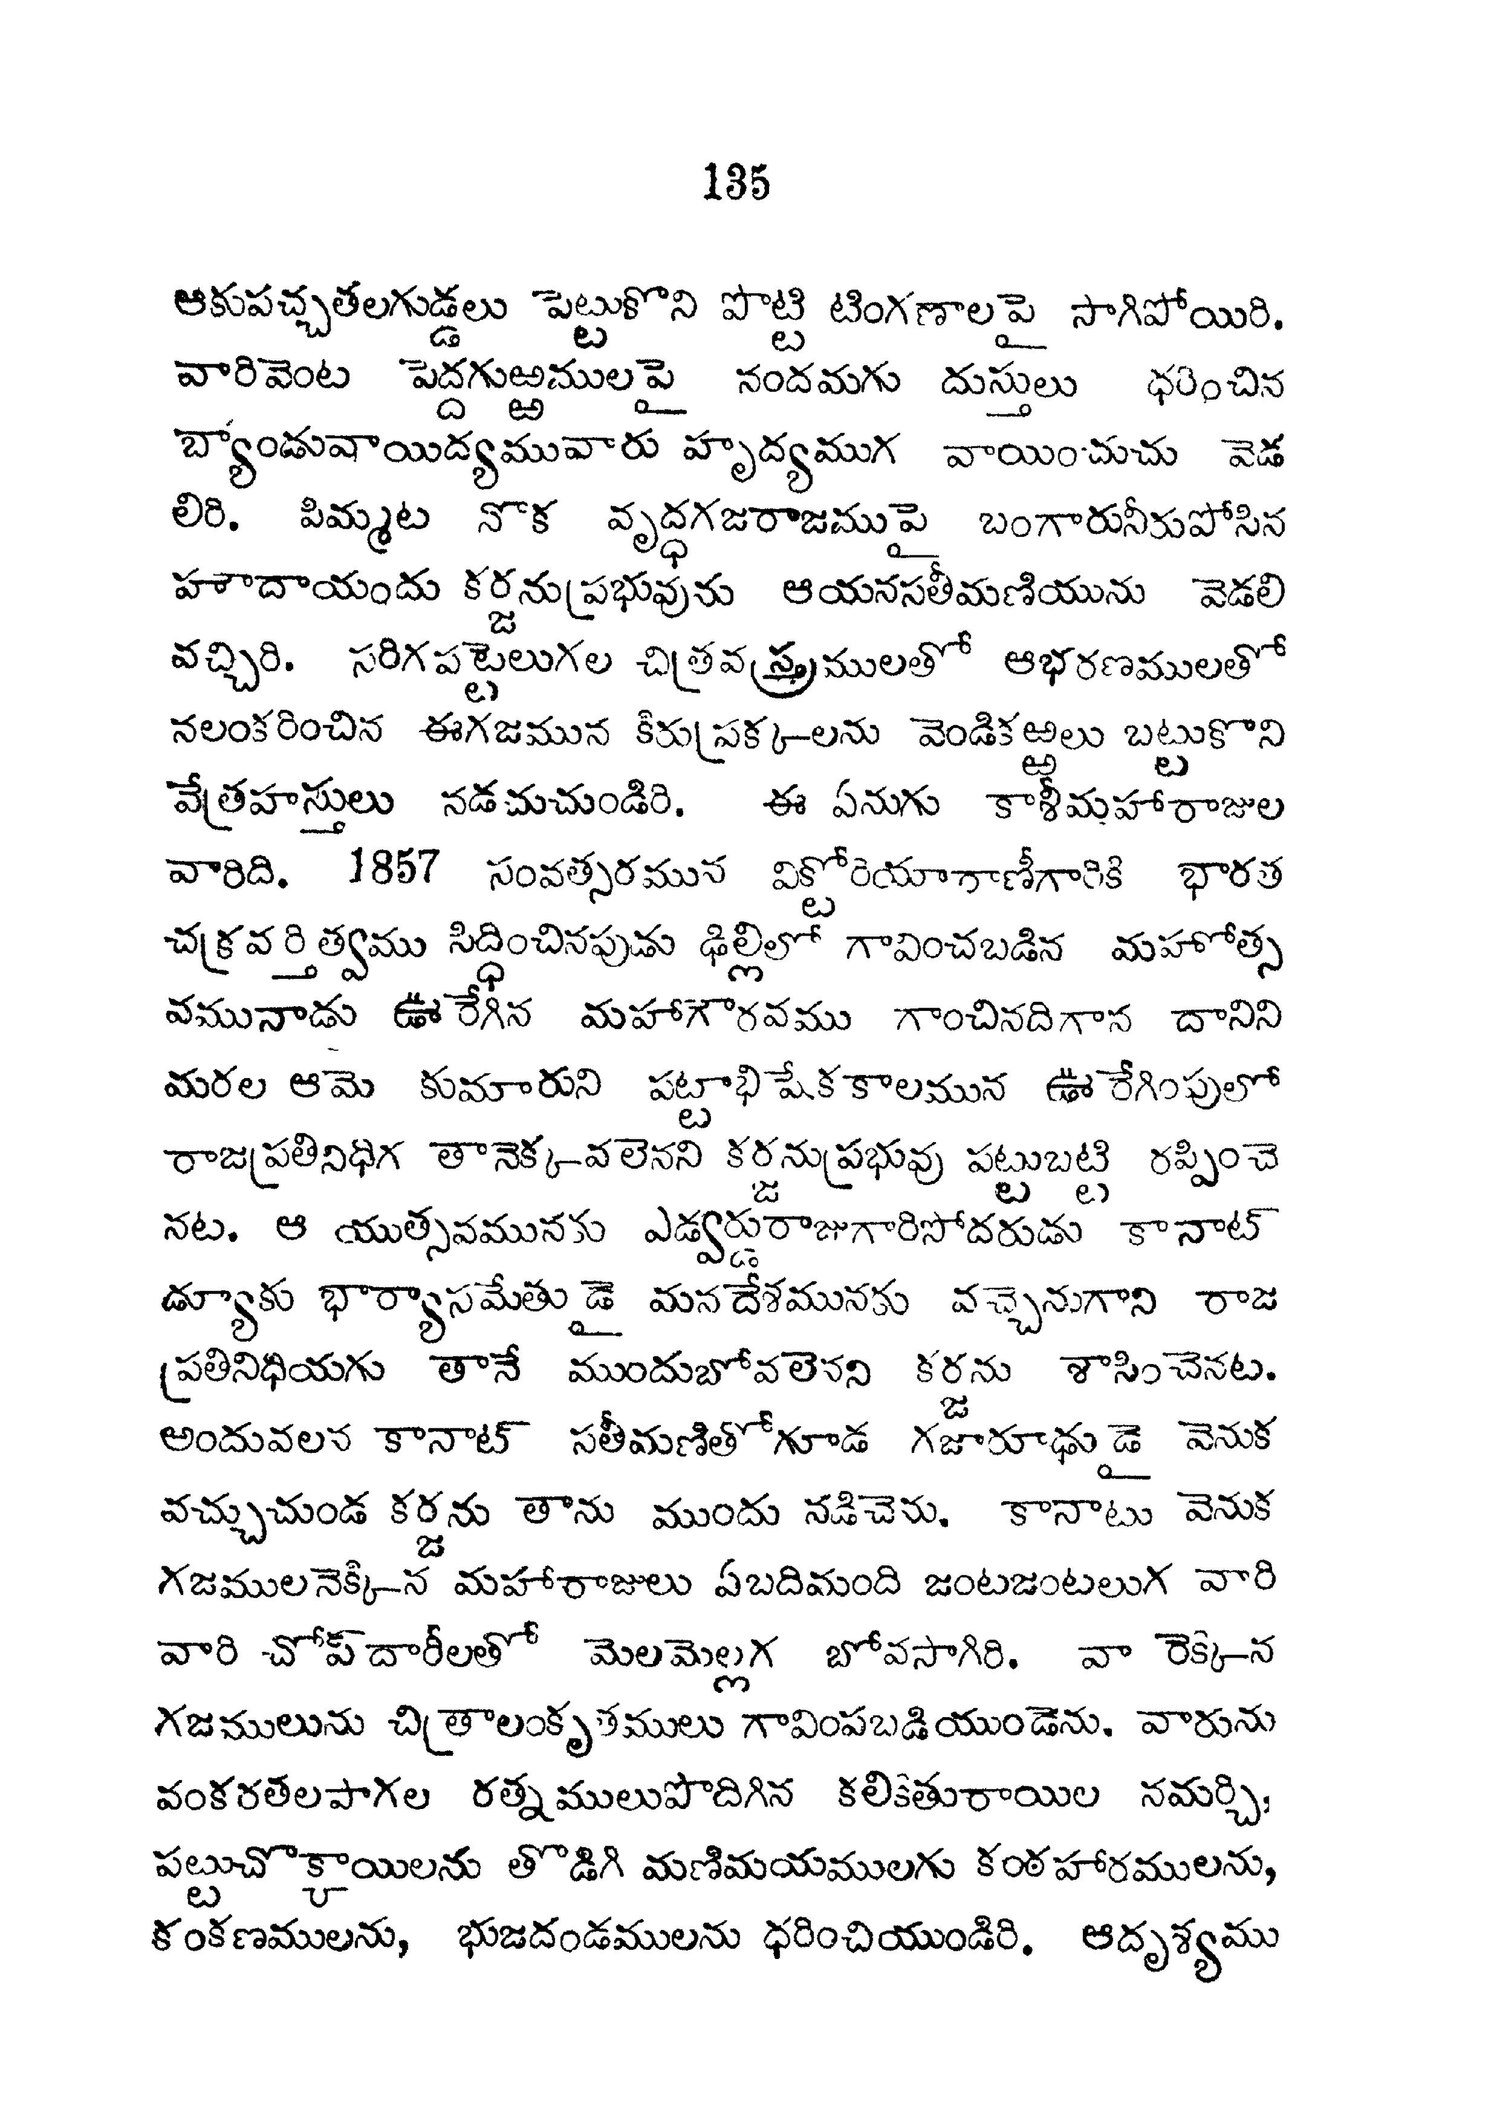ఆకుపచ్చతలగుడ్డలు పెట్టుకొని పొట్టి టింగణాలపై సాగిపోయిరి. వారివెంట పెద్దగుఱ్ఱములపై నందమగు దుస్తులు ధరించిన బ్యాండువాయిద్యమువారు హృద్యముగ వాయించుచు వెడలిరి. పిమ్మట నొక వృద్ధగజరాజముపై బంగారునీరుపోసిన హౌదాయందు కర్జనుప్రభువును ఆయనసతీమణియును వెడలివచ్చిరి. సరిగపట్టెలుగల చిత్రవస్త్రములతో ఆభరణములతో నలంకరించిన ఈగజమున కిరుప్రక్కలను వెండికఱ్ఱలు బట్టుకొని వేత్రహస్తులు నడచుచుండిరి. ఈ ఏనుగు కాశీమహారాజుల వారిది. 1857 సంవత్సరమున విక్టోరియారాణీగారికి భారత చక్రవర్తిత్వము సిద్ధించినపుడు డిల్లీలో గావించబడిన మహోత్సవమునాడు ఊరేగిన మహాగౌరవము గాంచినదిగాన దానిని మరల ఆమె కుమారుని పట్టాభిషేకకాలమున ఊరేగింపులో రాజప్రతినిధిగ తానెక్కవలెనని కర్జనుప్రభువు పట్టుబట్టి రప్పించెనట. ఆ యుత్సవమునకు ఎడ్వర్డురాజుగారిసోదరుడు కానాట్ డ్యూకు భార్యాసమేతుడై మనదేశమునకు వచ్చెనుగాని రాజప్రతినిధియగు తానే ముందుబోవలెనని కర్జను శాసించెనట. అందువలన కానాట్ సతీమణితోగూడ గజారూడుడై వెనుక వచ్చుచుండ కర్జను తాను ముందు నడిచెను. కానాటు వెనుక గజములనెక్కిన మహారాజులు ఏబదిమంది జంటజంటలుగ వారి వారి చోప్‌దారీలతో మెల్లమెల్లగ బోవసాగిరి. వా రెక్కిన గజములును చిత్రాలంకృతములు గావింపబడియుండెను. వారును వంకరతలపాగల రత్నములుపొదిగిన కలికితురాయిల నమర్చి పట్టుచొక్కాయిలను తొడిగి మణిమయములగు కంఠహారములను, కంకణములను, భుజదండములను ధరించియుండిరి. ఆదృశ్యము